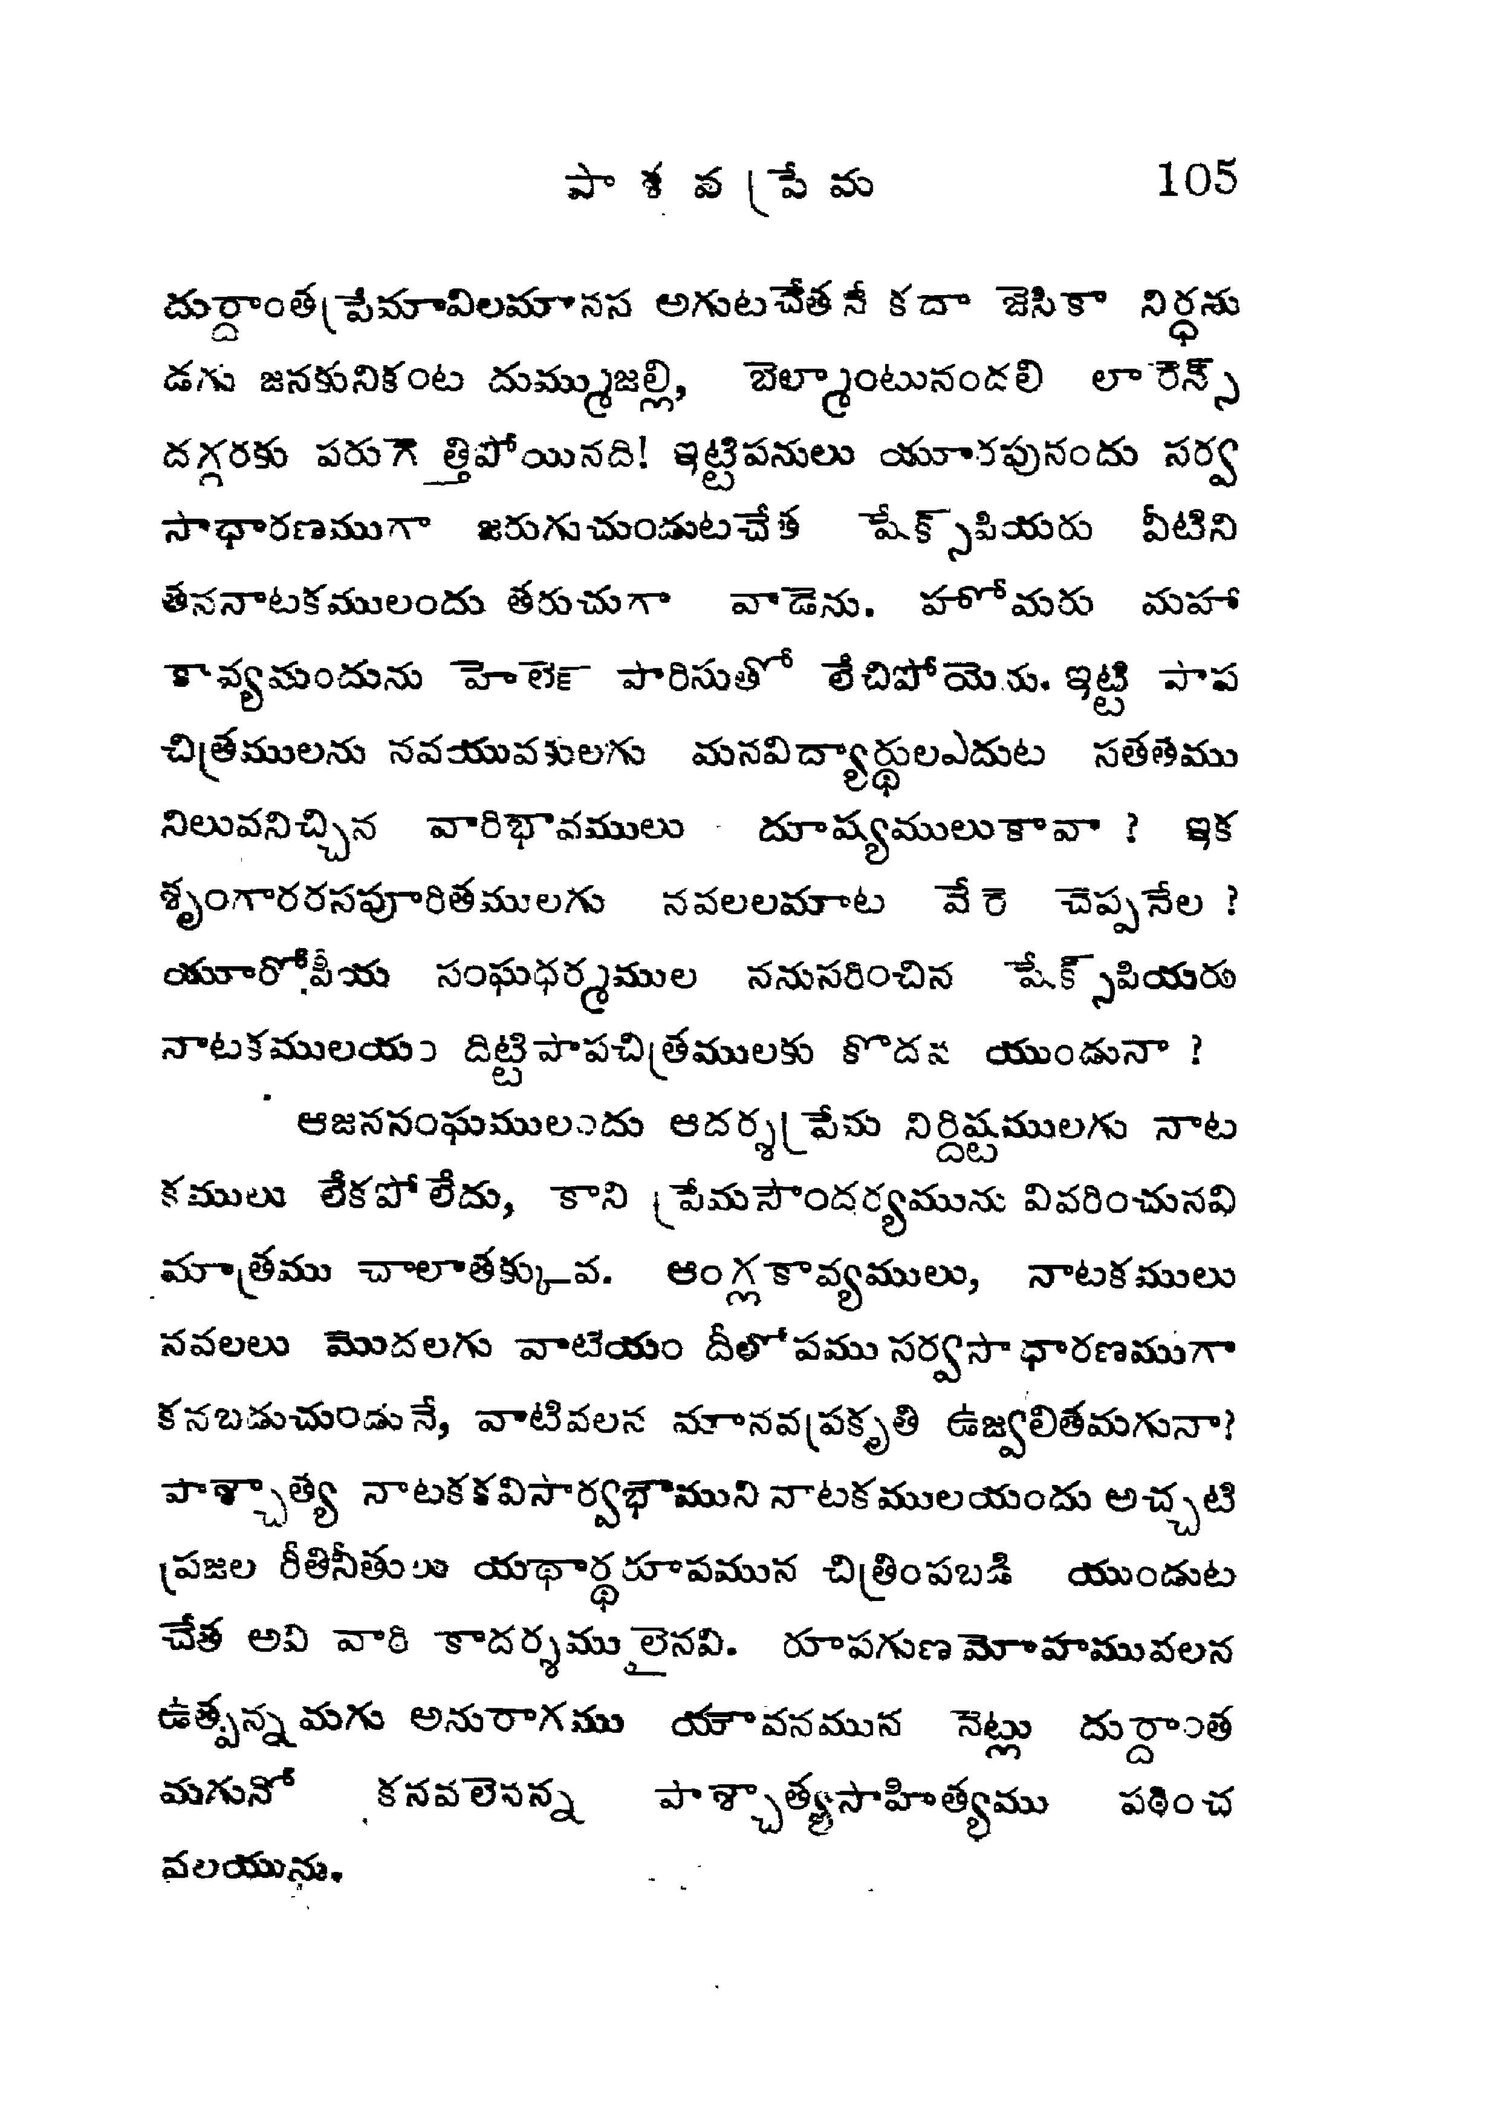దుర్దాంతప్రేమావిలమానస అగుటచేతనే కదా జెసికా నిర్ధనుడగు జనకునికంట దుమ్ముజల్లి, బెల్మాంటునందలి లారెన్స్ దగ్గరకు పరుగెత్తిపోయినది! ఇట్టిపనులు యూరపునందు సర్వసాధారణముగా జరుగుచుండుటచేత షేక్స్‌పియరు వీటిని తననాటకములందు తరుచుగా వాడెను. హోమరు మహాకావ్యమందును హెలెన్ పారిసుతో లేచిపోయెను. ఇట్టి పాప చిత్రములను నవయువకులగు మనవిద్యార్థులఎదుట సతతము నిలువనిచ్చిన వారిభావములు దూష్యములుకావా? ఇక శృంగారరసపూరితములగు నవలలమాట వేరె చెప్పనేల? యూరోపీయ సంఘధర్మముల ననుసరించిన షేక్స్‌పియరు నాటకములయం దిట్టిపాపచిత్రములకు కొదవ యుండునా?

ఆజనసంఘములందు ఆదర్శప్రేమ నిర్దిష్టములగు నాటకములు లేకపోలేదు, కాని ప్రేమసౌందర్యమును వివరించునవి మాత్రము చాలాతక్కువ. ఆంగ్లకావ్యములు, నాటకములు నవలలు మొదలగు వాటియం దీలోపము సర్వసాధారణముగా కనబడుచుండునే, వాటివలన మానవప్రకృతి ఉజ్వలితమగునా? పాశ్చాత్య నాటకకవిసార్వభౌముని నాటకములయందు అచ్చటి ప్రజల రీతినీతులు యథార్థరూపమున చిత్రింపబడి యుండుట చేత అవి వారి కాదర్శములైనవి. రూపగుణమోహమువలన ఉత్పన్నమగు అనురాగము యౌవనమున నెట్లు దుర్దాంతమగునో కనవలెనన్న పాశ్చాత్యసాహిత్యము పఠించ వలయును.